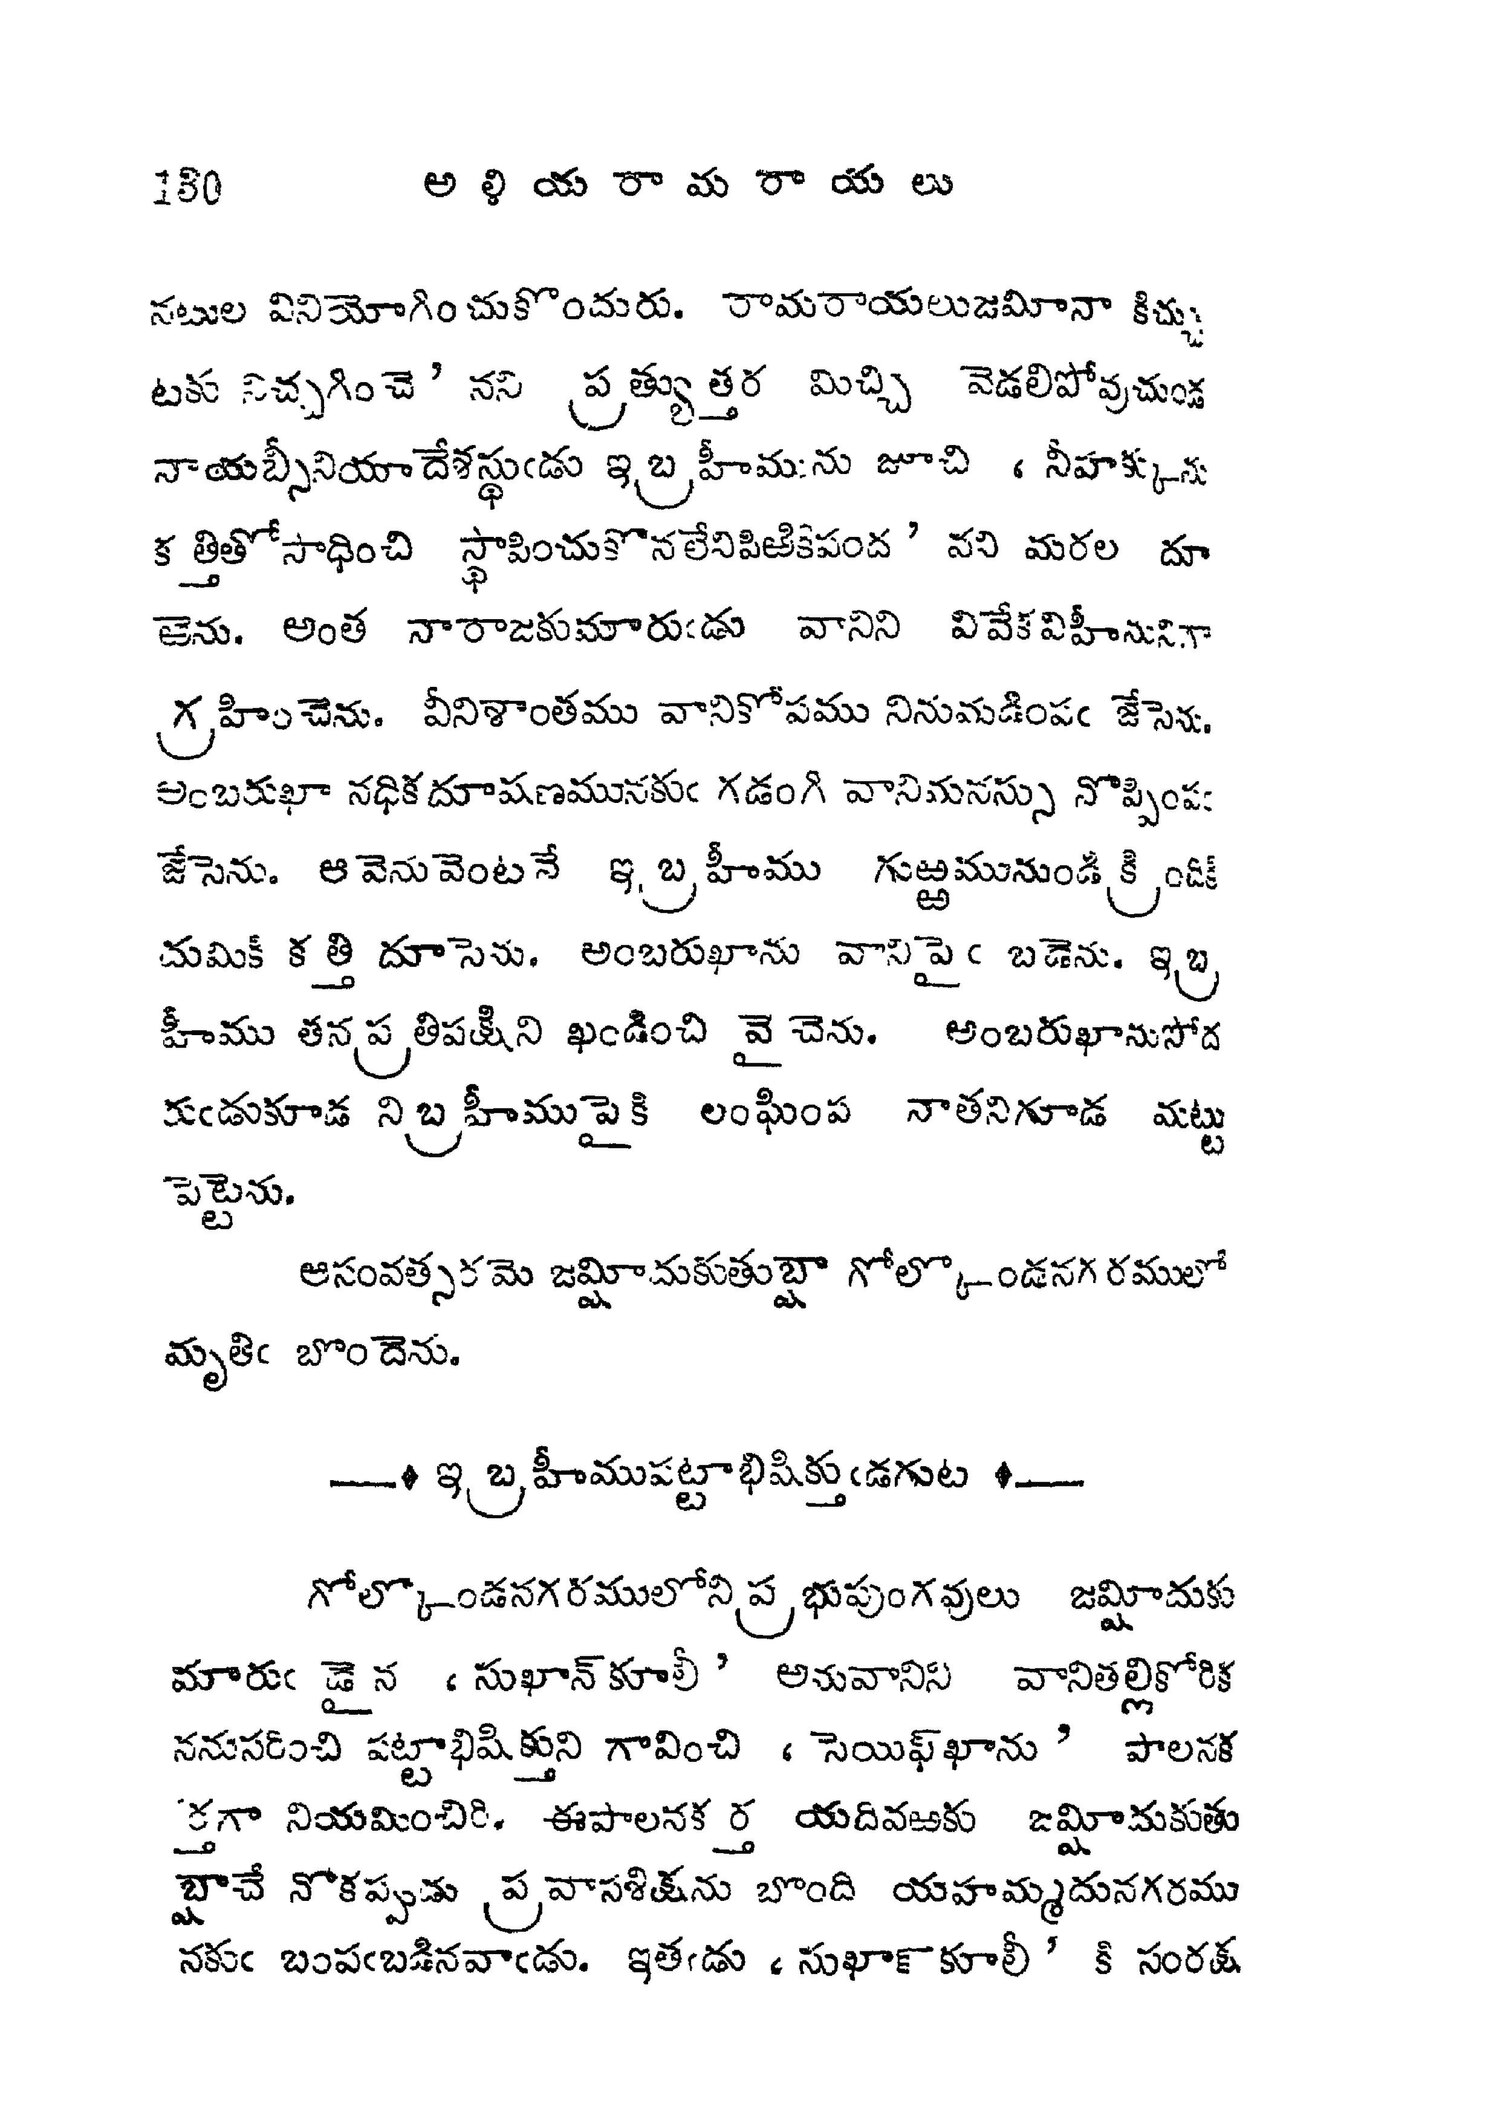నటుల వినియోగించుకొందురు. రామరాయలుజమీనా కిచ్చుటకు నిచ్చగించె' నని ప్రత్యుత్తర మిచ్చి వెడలిపోవుచుండ నాయబ్సీనియాదేశస్థుడు ఇబ్రహీమును జూచి 'నీహక్కును కత్తితోసాధించి స్థాపించుకొనలేనిపిఱికిపంద' వని మరల దూఱెను. అంత నారాజకుమారుడు వానిని వివేకహీనునిగా గ్రహించెను. వీనిశాంతము వానికోపము నినుమడింప జేసెను. అంబరుఖా నధిక దూషనమునకు గడంగి వానిమనస్సు నొప్పింప జేసెను. ఆవెనువెంటనే ఇబ్రహీము గుఱ్ఱమునుండి క్రిందికి దుమికి కత్తి దూసెను. అంబరుఖాను వానిపై బడెను. ఇబ్రహీము తనప్రతిపక్షిని ఖండించి వైచెను. అంబరుఖాను సోదరుడుకూడ నిబ్రహీముపైకి లంఘింప నాతనిగూడ మట్టుపెట్టెను.

ఆసంవత్సరమె జమ్షీదుకుతుబ్షా గోల్కొండనగరములో మృతి బొందెను.

గోల్కొండనగరములోని ప్రభుపుంగవులు జమ్షీదుకుమారు డైన 'సుఖాన్‌కూలీ' అనువానిని వానితల్లికోరిక ననుసరించి పట్టాభిషిక్తుని గావించి 'సెయిఫ్‌ఖాను' పాలనకర్తగా నియమించిరి. ఈపాలనకర్త యదివఱకు జమ్షీదుకుతుబ్షాచే నొకప్పుడు ప్రపానశిక్షను బొంది యహమ్మదునగరమునకు బంపబడినవాడు. ఇతడు 'సుఖాన్‌కూలీ' కి సంరక్ష